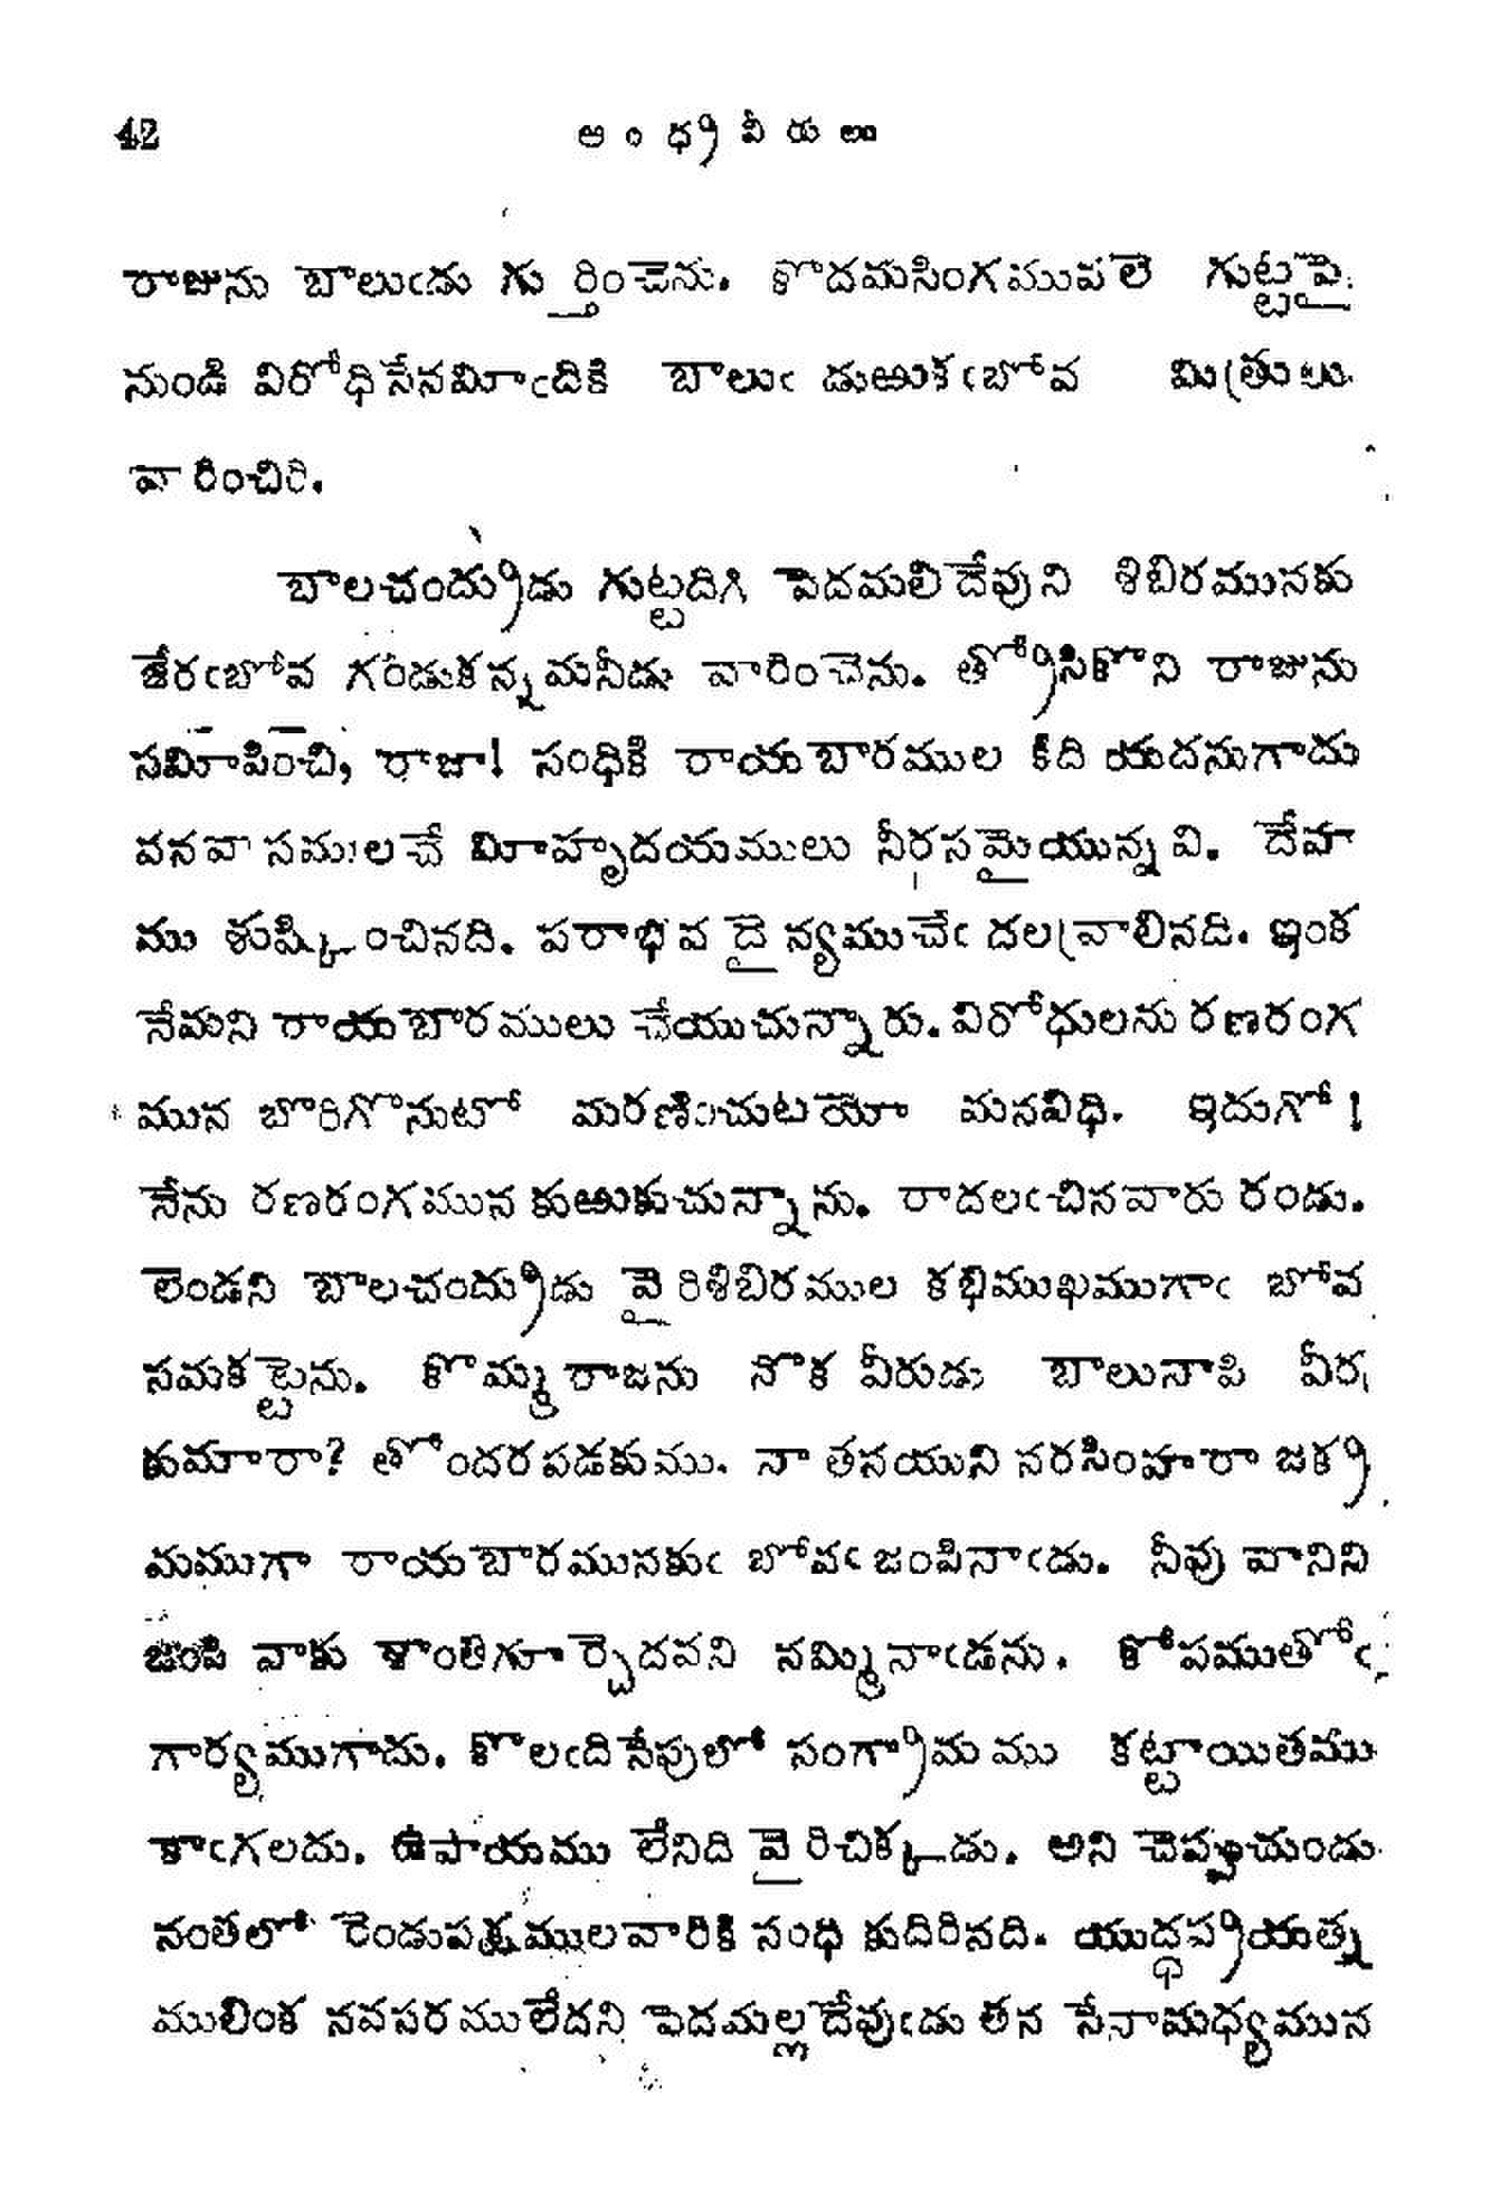రాజును బాలుడు గుర్తించెను. కొదమసింగమువలె గుట్టపై నుండి విరోధిసేనమీదికి బాలు డుఱకబోవ మిత్రులు వారించిరి.

బాలచంద్రుడు గుట్టదిగి పెదమలిదేవుని శిబిరమునకు జేరబోవ గండుకన్నమనీడు వారించెను. త్రోసికొని రాజును సమీపించి, రాజా! సంధికి రాయబారముల కిది యదనుగాదు వనవాసములచే మీహృదయములు నీరసమైయున్నవి. దేహము శుష్కించినది. పరాభవ దైన్యముచే దలవ్రాలినది. ఇంక నేమని రాయబారములు చేయుచున్నారు, విరోధులను రణరంగమున బొరిగొనుటో మరణించుటయో మనవిధి. ఇదుగో! నేను రణరంగమున కుఱుకుచున్నాను. రాదలచినవారు రండు. లెండని బాలచంద్రుడు వైరిశిబిరముల కభిముఖముగా బోవ సమకట్టెను. కొమ్మరాజను నొక వీరుడు బాలునాపి వీర కుమారా! తొందరపడకుము. నా తనయుని నరసింహరా జక్రమముగా రాయబారమునకు బోవ జంపినాడు. నీవు వానిని జంపి నాకు శాంతిగూర్చెదవని నమ్మినాడను. కోపముతో గార్యముగాదు. కొలదిసేపులో సంగ్రామము కట్టాయితము కాగలదు. ఉపాయము లేనిది వైరిచిక్కడు. అని చెప్పుచుండు నంతలో రెండుపక్షముల వారికి సంధి కుదిరినది. యుద్ధప్రయత్నములింక నవసరములేదని పెదమల్లదేవుడు తన సేనామధ్యమున